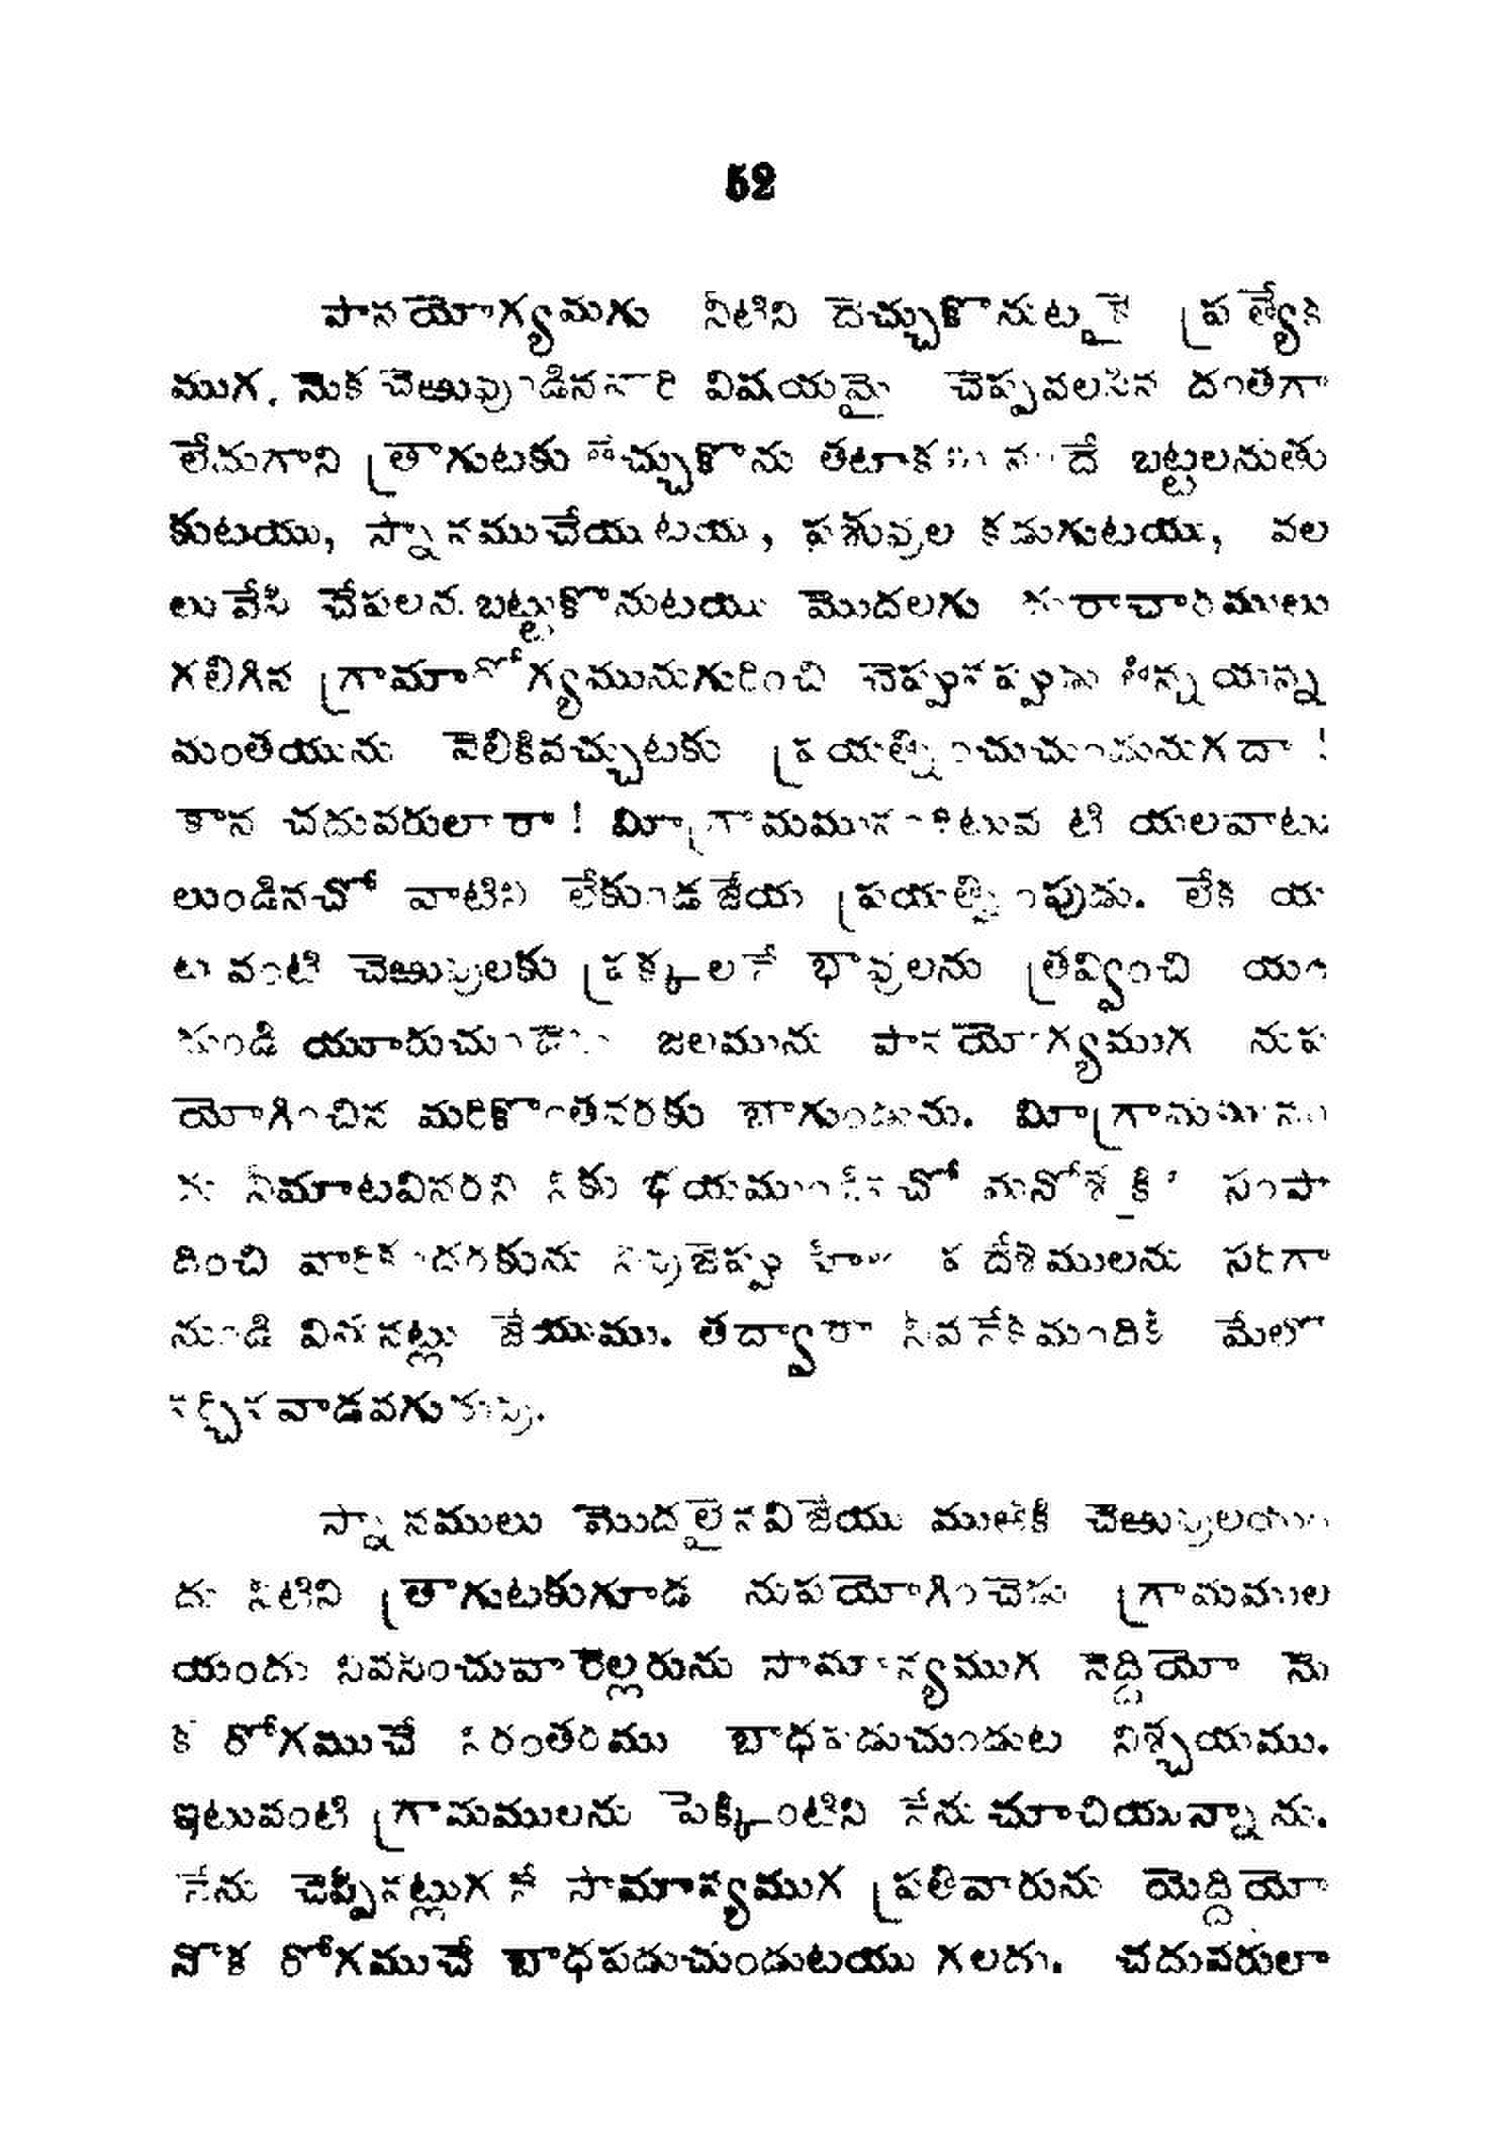పానయోగ్యమగు నీటిని దెచ్చుకొనుటకై ప్రత్యేకముగ, నొక చెఱువుండినవారి విషయమై చెప్పవలసిన దంతగా లేదుగాని త్రాగుటకు తెచ్చుకొను తటాకమునందే బట్టలనుతుకుటయు, స్నానముచేయుటయు , పశువుల కడుగుటయు, వలలువేసి చేపలను బట్టుకొనుటయు మొదలగు దురాచారములు గలిగిన గ్రామారోగ్యమునుగురించి చెప్పునప్పుడు తిన్నయన్నమంతయును వెలికివచ్చుటకు ప్రయత్నించుచుండునుగదా ! కాన చదువరులారా ! మీగ్రామమునటువంటి యలవాటు లుండినచో వాటిని లేకుండజేయ ప్రయత్నింపుడు. లేక యటువంటి చెఱువులకు ప్రక్కలనే భావులను త్రవ్వించి యందుండి యూరుచుండెడి జలమును పానయోగ్యముగ నుపయోగించిన మరికొంతవరకు బాగుండును. మీగ్రామమునందు నీమాటవినరని నీకు భయముండినచో మనోశక్తిని సంపాదించి వారికందరకును నీవుజెప్పు హితోపదేశములను సరిగా
నుండి వినునట్లు జేయుము. తద్వారా నీవనేకమందికి మేలొనర్చిన వాడవగుదువు.

స్నానములు మొదలైనవిజేయు ముఱికి చెఱువులయందు నీటిని త్రాగుటకుగూడ నుపయోగించెడు గ్రామముల యందు నివసించువారెల్లరును సామాన్యముగ నెద్దియో నొక రోగముచే నిరంతరము బాధపడుచుండుట నిశ్చయము. ఇటువంటి గ్రామములను పెక్కింటిని నేనుచూచియున్నాను.
నేను చెప్పినట్లుగనే సామాన్యముగ ప్రతివారును యెద్దియో నొక రోగముచే బాధపడుచుండుటయు గలదు. చదువరులా